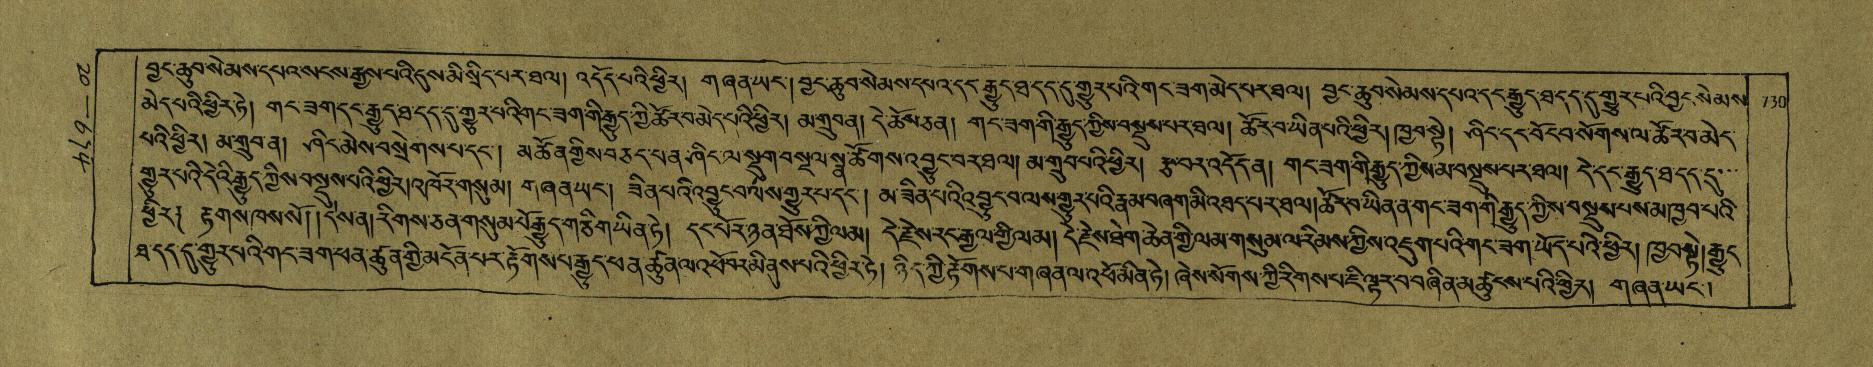བྱང་ཆུབ་སེམས་དཔའ་སངས་རྒྱས་པའི་དུས་མི་སྲིད་པར་ཐལ། འདོད་པའི་ཕྱིར། གཞན་ཡང་། བྱང་ཆུབ་སེམས་དཔའ་དང་རྒྱུད་ཐ་དད་དུ་གྱུར་པའི་གང་ཟག་མེད་པར་ཐལ། བྱང་ཆུབ་སེམས་དཔའ་དང་རྒྱུད་ཐ་དད་དུ་གྱུར་པའི་བྱང་སེམས་
མེད་པའི་ཕྱིར་ཏེ། གང་ཟག་དང་རྒྱུད་ཐ་དད་དུ་གྱུར་པའི་གང་ཟག་གི་རྒྱུད་ཀྱི་ཚོར་བ་མེད་པའི་ཕྱིར། མ་གྲུབ་ན། དེ་ཆོས་ཅན། གང་ཟག་གི་རྒྱུད་ཀྱིས་བསྡུས་པར་ཐལ། ཚོར་བ་ཡིན་པའི་ཕྱིར། ཁྱབ་སྟེ། ཤིང་དང་བོང་བ་སོགས་ལ་ཚོར་བ་མེད་
པའི་ཕྱིར། མ་གྲུབ་ན། ཤིང་མེས་བསྲེགས་པ་དང་། མཚོན་གྱིས་བཅད་པ་ན་ཤིང་ལ་སྡུག་བསྔལ་སྣ་ཚོགས་འབྱུང་བར་ཐལ། མ་གྲུབ་པའི་ཕྱིར། རྩ་བར་འདོད་ན། གང་ཟག་གི་རྒྱུད་ཀྱིས་མ་བསྡུས་པར་ཐལ། དེ་དང་རྒྱུད་ཐ་དད་དུ་
གྱུར་པའི་དེའི་རྒྱུད་ཀྱིས་བསྡུས་པའི་ཕྱིར། འཁོར་གསུམ། གཞན་ཡང་། ཟིན་པའི་འབྱུང་བ་ལས་གྱུར་པ་དང་། མ་ཟིན་པའི་འབྱུང་བ་ལས་གྱུར་པའི་རྣམ་བཞག་མི་འཐད་པར་ཐལ། ཚོར་བ་ཡིན་ན་གང་ཟག་གི་རྒྱུད་ཀྱིས་བསྡུས་པས་མ་ཁྱབ་པའི་
ཕྱིར༑ རྟགས་ཁས་སོ། །དེས་ན། རིགས་ཅན་གསུམ་པོ་རྒྱུད་གཅིག་ཡིན་ཏེ། དང་པོར་ཉན་ཐོས་ཀྱི་ལམ། དེ་རྗེས་རང་རྒྱལ་གྱི་ལམ། དེ་རྗེས་ཐེག་ཆེན་གྱི་ལམ་གསུམ་ལ་རིམས་ཀྱིས་འཇུག་པའི་གང་ཟག་ཡོད་པའི་ཕྱིར། ཁྱབ་སྟེ། རྒྱུད་
ཐ་དད་དུ་གྱུར་པའི་གང་ཟག་ཕན་ཚུན་གྱི་མངོན་པར་རྟོགས་པ་རྒྱུད་ཕན་ཚུན་ལ་འཕོ་བར་མི་ནུས་པའི་ཕྱིར་ཏེ། ཉིད་ཀྱི་རྟོགས་པ་གཞན་ལ་འཕོ་མིན་ཏེ། ཞེས་སོགས་ཀྱི་རིགས་པ་ཇི་ལྟར་བ་བཞིན་མཚུངས་པའི་ཕྱིར། གཞན་ཡང་།